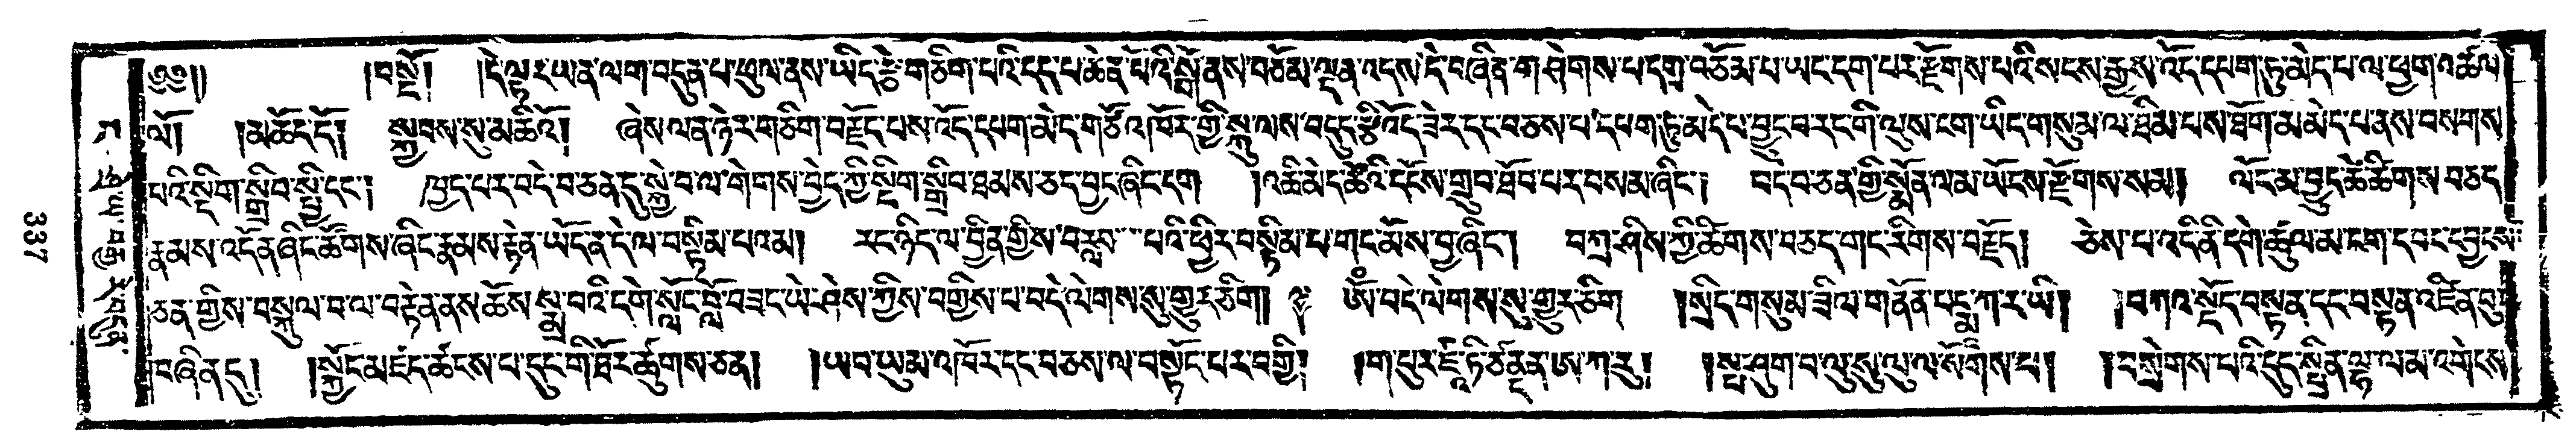༄༅། །བསྔོ། །དེ་ལྟར་ཡན་ལག་བདུན་པ་ཕུལ་ནས་ཡིད་རྩེ་གཅིག་པའི་དད་པ་ཆེན་པོའི་སྒོ་ནས་བཅོམ་ལྡན་འདས་དེ་བཞིན་གཤེགས་པ་དགྲ་བཅོམ་པ་ཡང་དག་པར་རྫོགས་པའི་སངས་རྒྱས་འོད་དཔག་ཏུ་མེད་པ་ལ་ཕྱག་འཚལ་
ལོ། །མཆོད་དོ། སྐྱབས་སུ་མཆིའོ། ཞེས་ལན་ཉེར་གཅིག་བརྗོད་པས་འོད་དཔག་མེད་གཙོ་འཁོར་གྱི་སྐུ་ལས་བདུད་རྩི་འོད་ཟེར་དང་བཅས་པ་དཔག་ཏུ་མེད་པ་བྱུང་བ་རང་གི་ལུས་ངག་ཡིད་གསུམ་ལ་ཐིམ་པས་ཐོག་མ་མེད་པ་ནས་བསགས་
པའི་སྡིག་སྒྲིབ་སྤྱི་དང་། ཁྱད་པར་བདེ་བ་ཅན་དུ་སྐྱེ་བ་ལ་གེགས་བྱེད་ཀྱི་སྡིག་སྒྲིབ་ཐམས་ཅད་བྱང་ཞིང་དག །འཆི་མེད་ཚེའི་དངོས་གྲུབ་ཐོབ་པར་བསམ་ཞིང་། བདེ་བ་ཅན་གྱི་སྨོན་ལམ་ཡོངས་རྫོགས་སམ། ལོང་མ་བྱུང་ཚེ་ཚིགས་བཅད་
རྣམས་འདོན་ཞིང་ཚོགས་ཞིང་རྣམས་རྟེན་ཡོད་ན་དེ་ལ་བསྟིམ་པའམ། རང་ཉིད་ལ་བྱིན་གྱིས་བརླབ་པའི་ཕྱིར་བསྟིམ་པ་གང་མོས་བྱ་ཞིང་། བཀྲ་ཤིས་ཀྱི་ཚིག་བཅད་གང་རིགས་བརྗོད། ཅེས་པ་འདི་ནི་དགེ་ཚུལ་མ་ངན་དབང་དབྱངས་
ཅན་གྱིས་བསྐུལ་བ་ལ་བརྟེན་ནས་ཆོས་སྨྲ་བའི་དགེ་སློང་བློ་བཟང་ཡེ་ཤེས་ཀྱིས་བགྱིས་པ་བདེ་ལེགས་སུ་གྱུར་ཅིག།། ༈ ཨོཾ་བདེ་ལེགས་སུ་གྱུར་ཅིག །སྲིད་གསུམ་ཟིལ་གནོན་པདམ་ཀ་ར་ཡི། །བཀའ་སྡོད་བསྟན་དང་བསྟན་འཛིན་བུ་
བཞིན་དུ། །སྐྱོང་མཛད་ཚངས་པ་དུང་གི་ཐོར་ཚུགས་ཅན། །ཡབ་ཡུམ་འཁོར་དང་བཅས་ལ་བསྟོད་པར་བགྱི། །ག་པུར་ཛཱ་ཏི་ཙནྡྣ་ཨ་ཀ་རུ། །སྤ་ཤུག་བ་ལུ་སུ་ལུ་ལ་སོགས་པ། །བསྲེག་པའི་དུད་སྤྲིན་ལྷ་ལམ་འགེངས་